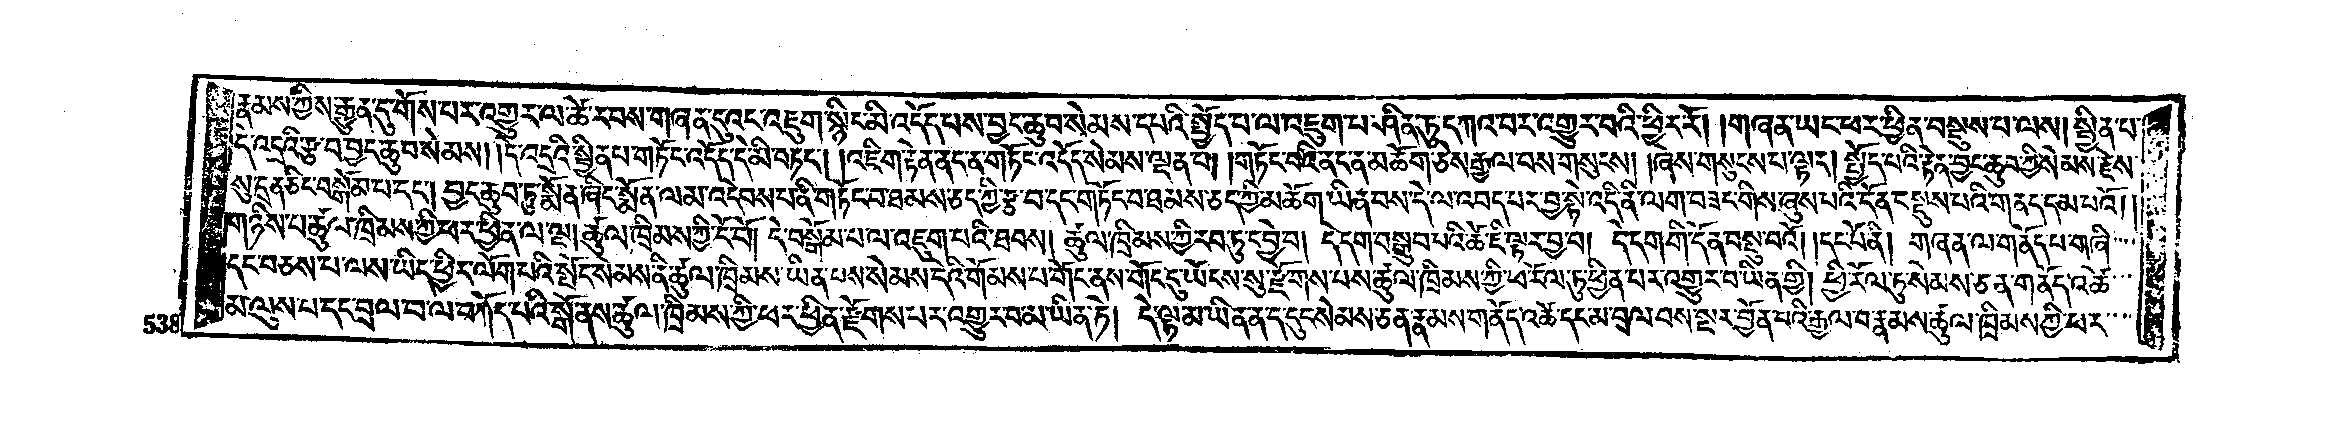རྣམས་ཀྱིས་རྒྱུན་དུ་གོས་པར་འགྱུར་ལ་ཚེ་རབས་གཞན་དུའང་འཇུག་སྙིང་མི་འདོད་པས་བྱང་ཆུབ་སེམས་དཔའི་སྤྱོད་པ་ལ་འཇུག་པ་ཤིན་ཏུ་དཀའ་བར་འགྱུར་བའི་ཕྱིར་རོ། །གཞན་ཡང་ཕར་ཕྱིན་བསྡུས་པ་ལས། སྦྱིན་པ་
དེ་འདྲའི་རྩ་བ་བྱང་ཆུབ་སེམས། །དེ་འདྲའི་སྦྱིན་པ་གཏོང་འདོད་དེ་མི་བཏང་། །འཇིག་རྟེན་ནང་ན་གཏོང་འདོད་སེམས་ལྡན་པ། །གཏོང་བའི་ནང་ན་མཆོག་ཅེས་རྒྱལ་བས་གསུངས། །ཞེས་གསུངས་པ་ལྟར། སྤྱོད་པའི་རྟེན་བྱང་ཆུབ་ཀྱི་སེམས་རྗེས་
སུ་དྲན་ཅིང་བསྒོམ་པ་དང་། བྱང་ཆུབ་ཏུ་སྨོན་ཞིང་སྨོན་ལམ་འདེབས་པ་ནི་གཏོང་བ་ཐམས་ཅད་ཀྱི་རྩ་བ་དང་གཏོང་བ་ཐམས་ཅད་ཀྱི་མཆོག་ཡིན་པས་དེ་ལ་འབད་པར་བྱ་སྟེ་འདི་ནི་ལག་བཟང་གིས་ཞུས་པའི་དོན་བསྡུས་པའི་གནད་དམ་པའོ། །
གཉིས་པ་ཚུལ་ཁྲིམས་ཀྱི་ཕར་ཕྱིན་ལ་ལྔ། ཚུལ་ཁྲིམས་ཀྱི་ངོ་བོ། དེ་བསྒོམ་པ་ལ་འཇུག་པའི་ཐབས། ཚུལ་ཁྲིམས་ཀྱི་རབ་ཏུ་དབྱེ་བ། དེ་དག་བསྒྲུབ་པའི་ཚེ་ཇི་ལྟར་བྱ་བ། དེ་དག་གི་དོན་བསྡུ་བའོ། །དང་པོ་ནི། གཞན་ལ་གནོད་པ་གཞི་
དང་བཅས་པ་ལས་ཡིད་ཕྱིར་ལོག་པའི་སྤོང་སེམས་ནི་ཚུལ་ཁྲིམས་ཡིན་པས་སེམས་དེའི་གོམས་པ་གོང་ནས་གོང་དུ་ཡོངས་སུ་རྫོགས་པས་ཚུལ་ཁྲིམས་ཀྱི་ཕ་རོལ་ཏུ་ཕྱིན་པར་འགྱུར་བ་ཡིན་གྱི། ཕྱི་རོལ་ཏུ་སེམས་ཅན་གནོད་འཚེ་
མ་ལུས་པ་དང་བྲལ་བ་ལ་བཀོད་པའི་སྒོ་ནས་ཚུལ་ཁྲིམས་ཀྱི་ཕར་ཕྱིན་རྫོགས་པར་འགྱུར་བ་མ་ཡིན་ཏེ། དེ་ལྟ་མ་ཡིན་ན་ད་དུང་སེམས་ཅན་རྣམས་གནོད་འཚེ་དང་མ་བྲལ་བས་སྔར་བྱོན་པའི་རྒྱལ་བ་རྣམས་ཚུལ་ཁྲིམས་ཀྱི་ཕར་